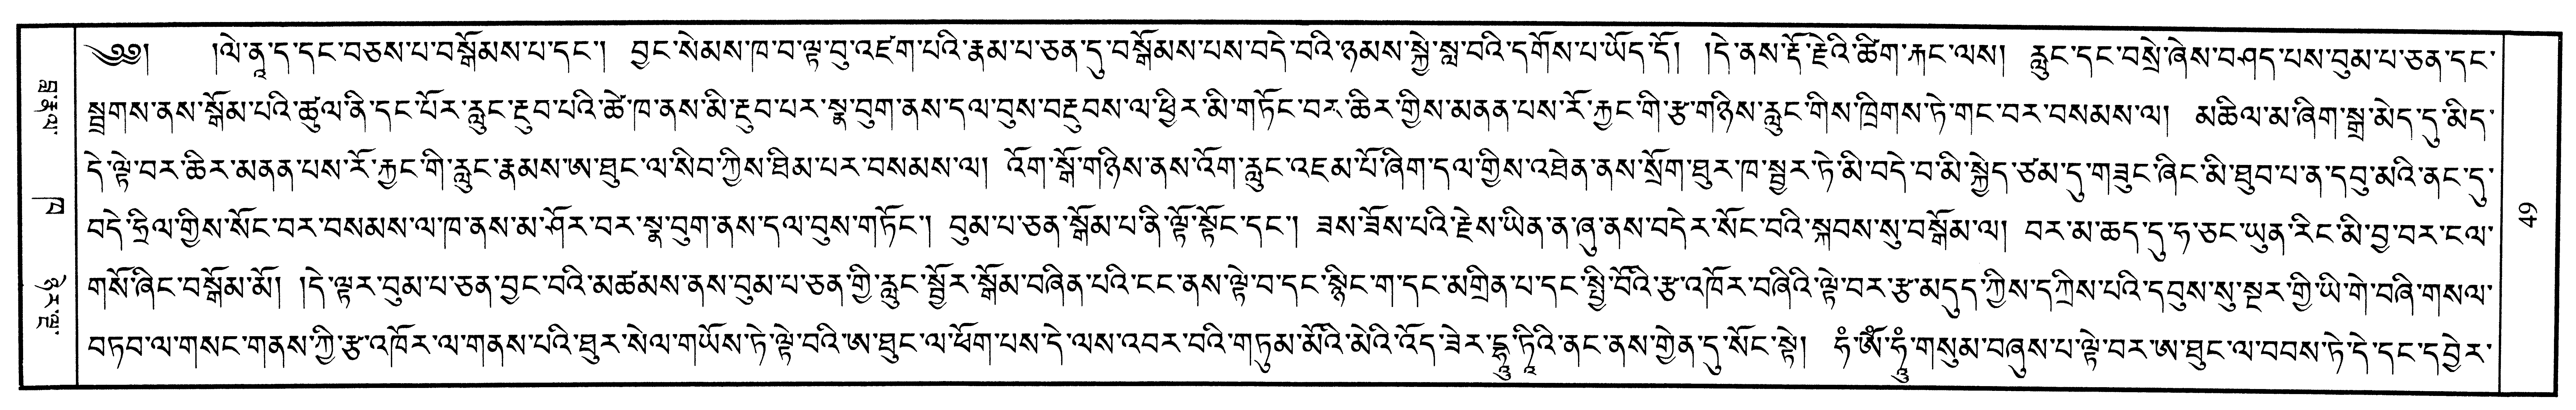༄༅། །ལེ་ནཱ་ད་དང་བཅས་པ་བསྒོམས་པ་དང་། བྱང་སེམས་ཁ་བ་ལྟ་བུ་འཛག་པའི་རྣམ་པ་ཅན་དུ་བསྒོམས་པས་བདེ་བའི་ཉམས་སྐྱེ་སླ་བའི་དགོས་པ་ཡོད་དོ། །དེ་ནས་རྡོ་རྗེའི་ཚིག་རྐང་ལས། རླུང་དང་བསྲེ་ཞེས་བཤད་པས་བུམ་པ་ཅན་དང་
སྦྲགས་ནས་སྒོམ་པའི་ཚུལ་ནི་དང་པོར་རླུང་རྔུབ་པའི་ཚེ་ཁ་ནས་མི་རྔུབ་པར་སྣ་བུག་ནས་དལ་བུས་བརྔུབས་ལ་ཕྱིར་མི་གཏོང་བར་ཆིར་གྱིས་མནན་པས་རོ་རྐྱང་གི་རྩ་གཉིས་རླུང་གིས་ཁྲིགས་ཏེ་གང་བར་བསམས་ལ། མཆིལ་མ་ཞིག་སྒྲ་མེད་དུ་མིད་
དེ་ལྟེ་བར་ཆིར་མནན་པས་རོ་རྐྱང་གི་རླུང་རྣམས་ཨ་ཐུང་ལ་སིབ་ཀྱིས་ཐིམ་པར་བསམས་ལ། འོག་སྒོ་གཉིས་ནས་འོག་རླུང་འཇམ་པོ་ཞིག་དལ་གྱིས་འཐེན་ནས་སྲོག་ཐུར་ཁ་སྦྱར་ཏེ་མི་བདེ་བ་མི་སྐྱེད་ཙམ་དུ་གཟུང་ཞིང་མི་ཐུབ་པ་ན་དབུ་མའི་ནང་དུ་
བདེ་ཧྲིལ་གྱིས་སོང་བར་བསམས་ལ་ཁ་ནས་མ་ཤོར་བར་སྣ་བུག་ནས་དལ་བུས་གཏོང་། བུམ་པ་ཅན་སྒོམ་པ་ནི་ལྟོ་སྟོང་དང་། ཟས་ཟོས་པའི་རྗེས་ཡིན་ན་ཞུ་ནས་བདེར་སོང་བའི་སྐབས་སུ་བསྒོམ་ལ། བར་མ་ཆད་དུ་ཧ་ཅང་ཡུན་རིང་མི་བྱ་བར་ངལ་
གསོ་ཞིང་བསྒོམ་མོ། །དེ་ལྟར་བུམ་པ་ཅན་བྱང་བའི་མཚམས་ནས་བུམ་པ་ཅན་གྱི་རླུང་སྦྱོར་སྒོམ་བཞིན་པའི་ངང་ནས་ལྟེ་བ་དང་སྙིང་ག་དང་མགྲིན་པ་དང་སྤྱི་བོའི་རྩ་འཁོར་བཞིའི་ལྟེ་བར་རྩ་མདུད་ཀྱིས་དཀྲིས་པའི་དབུས་སུ་སྔར་གྱི་ཡི་གེ་བཞི་གསལ་
བཏབ་ལ་གསང་གནས་ཀྱི་རྩ་འཁོར་ལ་གནས་པའི་ཐུར་སེལ་གཡོས་ཏེ་ལྟེ་བའི་ཨ་ཐུང་ལ་ཕོག་པས་དེ་ལས་འབར་བའི་གཏུམ་མོའི་མེའི་འོད་ཟེར་དྷཱུ་ཏཱིའི་ནང་ནས་གྱེན་དུ་སོང་སྟེ། ཧཾ་ཨོཾ་ཧཱུཾ་གསུམ་བཞུས་པ་ལྟེ་བ་ཨ་ཐུང་ལ་བབས་ཏེ་དེ་དང་དབྱེར་